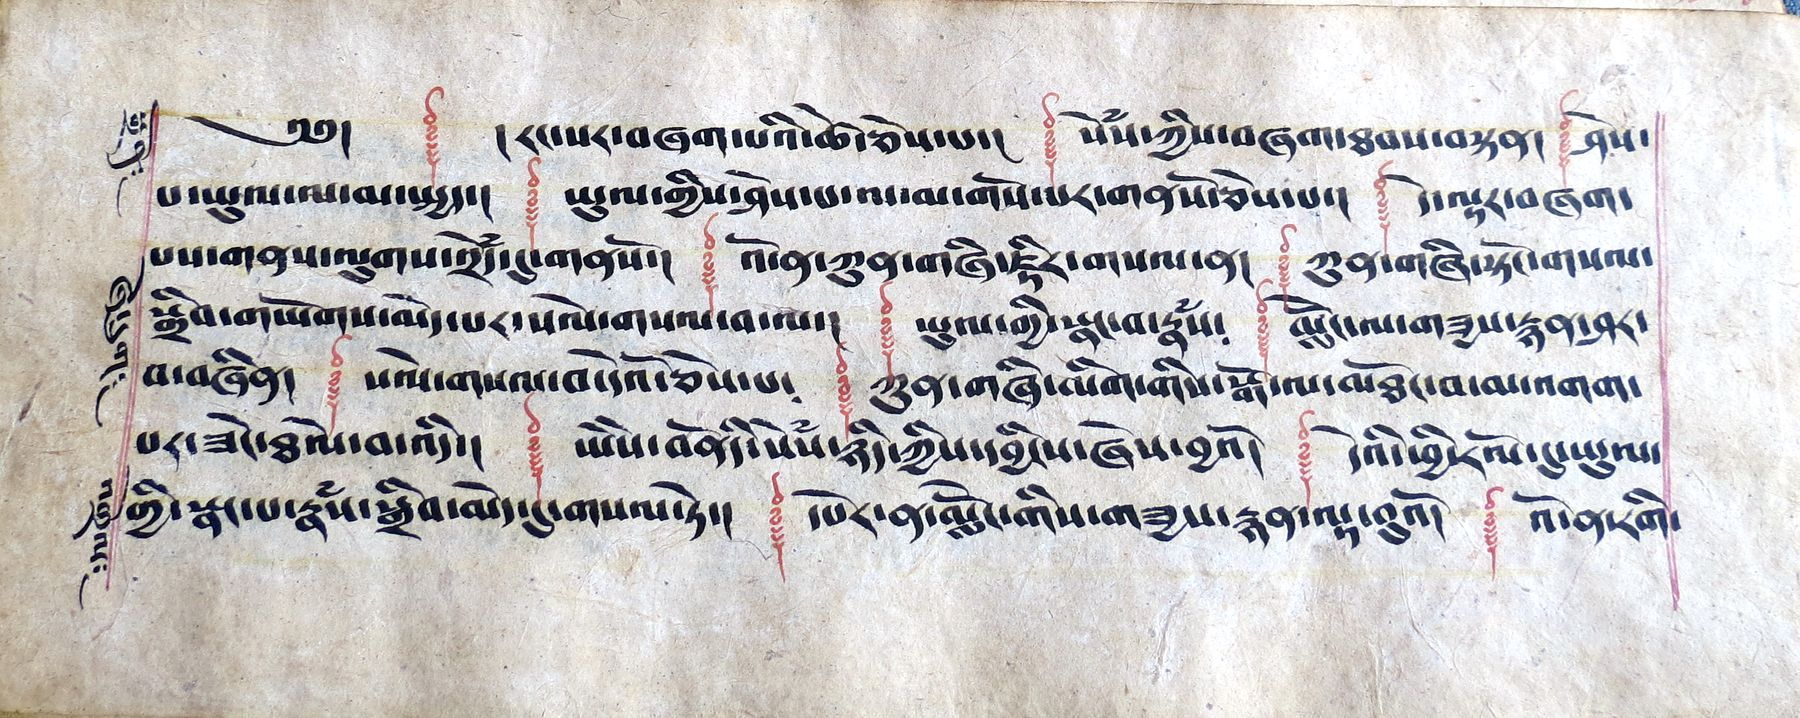རང་སར་བཞག་པའི་ཚེ། །ཞེས་པས། སེམས་ཀྱི་བཞག་ཐབས་བསྟན། ཤེས་
པས་ཡུལ་ལ་མ་དཔྱད། ཡུལ་གྱིས་ཤེས་པ་ལ་མ་གོས་པར་གནས་སོ། །ཞེས་པས། དེ་ལྟར་བཞག་
པས་གནས་ལུགས་གཉིས་མེད་དུ་གནས་སོ། །འོ་ན་ཀུན་གཞི་ཇི་ལྟར་གསལ་ན། ཀུན་གཞི་སྟོང་གསལ་
སྒྲིབ་གཡོགས་མེད་པར་སལེར་གསལ་བ་ལ། ཡུལ་གྱི་སྣང་བ་རྣམས། མེ་ལོང་ལ་གཟུགས་བརྙན་ཤར་
བ་བཞིན། སལེར་གསལ་བ་དེའོ། །ཞེས་པས། ཀུན་གཞི་མིག་གི་སྒོ་ལ་མཐོང་བ་མ་འགགས་
པར་ཟང་ངེ་ཐལ་ལེ་བ་འདི། ཡེ་ཤེས་བོན་ཉིད་སེམས་ཉིད་ཀྱི་དབྱིངས་ཞེས་བྱའོ། །དེའི་ཕྱི་རོལ་དུ་ཡུལ་
གྱི་སྣང་བ་རྣམས་སྒྲིབ་མེད་དུ་གསལ་ཏེ། དཔེར་ན་མེ་ལོང་གི་གཟུགས་བརྙན་ལྟ་བུའོ། །འོ་ན་རིག་